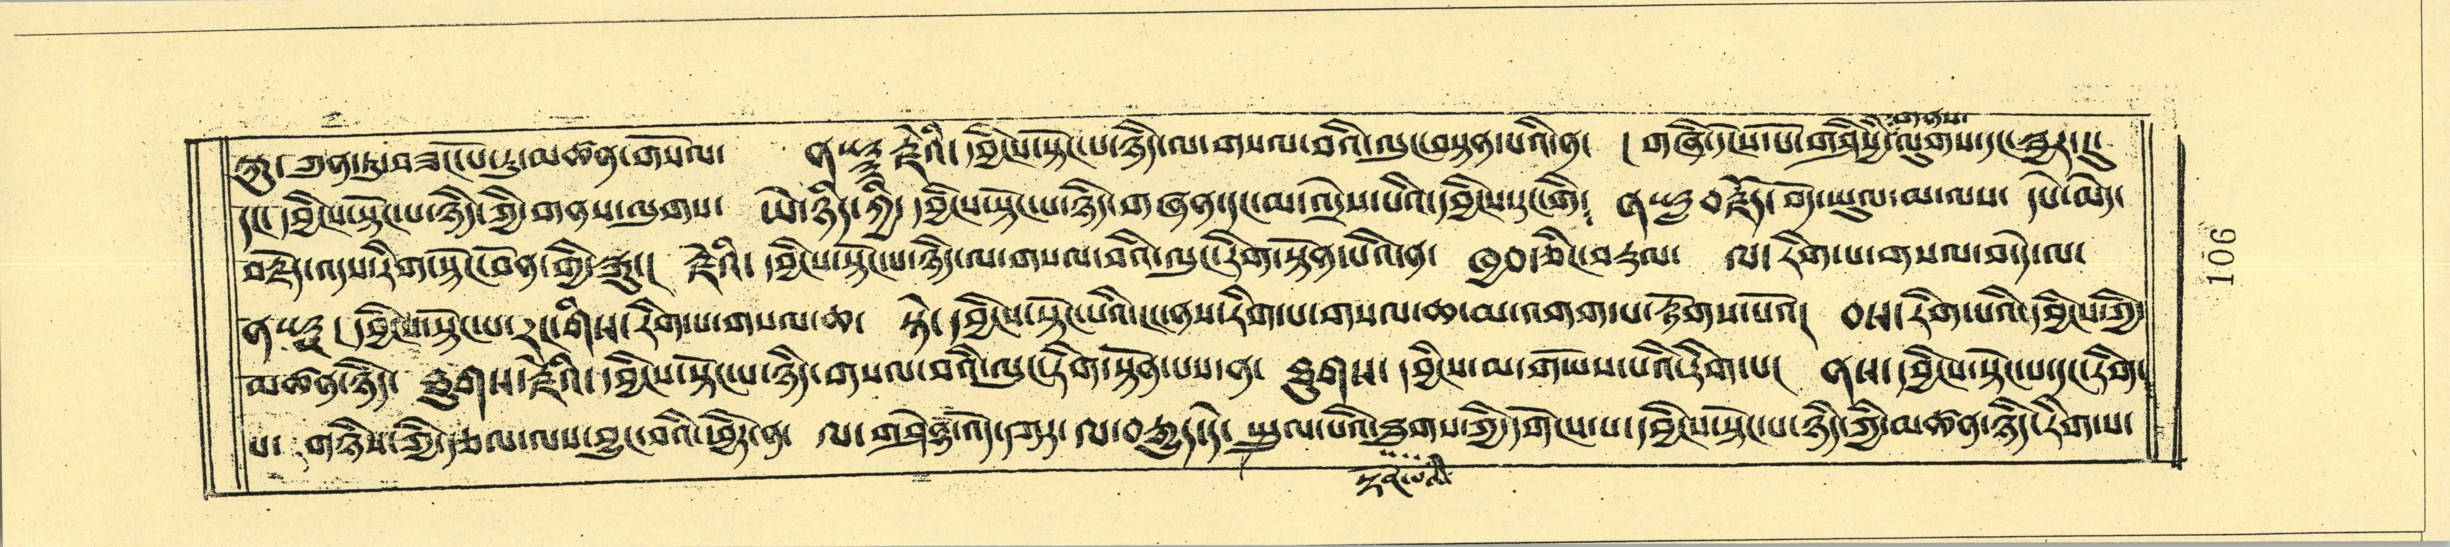སྐུ་ ཀུན་ཏུ་བཟང་པོ་རུ་མཚན་གསོལ། ན༥༢།༣རྗེའི་དབྱིངས་སྟོང་པ་ཉིད་ལ་གསལ་བའི་ལུང་བསྟན་པས་ན། གཞི་དངོས་པོ་གཤིས་ཀྱི་གནས་ལུགས་དང་སྦྱར་དུ་
དང་ དབྱིངས་སྟོང་པ་ཉིད་ཀྱི་གནས་ལུགས་། ཡེ་ཉིད་ཀྱི་དབྱིངས་སྟོང་པ་ཉིད་གཞན་དང་མ་འདྲེས་པའི་དབྱིངས་རང་གི་ ན༥༢།༤བརྗོད་བོད་ཡུལ་མ་ལས། དཔེ་མེད་
བརྗོད་འདས་རིག་སྟོང་བོན་གྱི་སྐུ། རྗེའི་དབྱིངས་སྟོང་པ་ཉིད་ལ་གསལ་བའི་ལུང་རིག་སྟོན་པས་ན་ ཁྱབ་ཅིང་བརྡལ་ ལ་རིག་པ་གསལ་བ་དེ་ལ་
ན༥༢།༥དབྱིངས་སྟོང་པ་རང་གིས་རིག་པ་གསལ་ཆ་ སྟེ་དབྱིངས་སྟོང་པའི་ངང་ནས་རིག་པ་གསལ་ཆ་མ་འགག་པ་རྟོགས་པའོ། བས་རིག་པའི་དབྱིངས་ཀྱི་
མཚན་ཉིད་ ཐུགས་རྗེའི་དབྱིངས་སྟོང་པ་ཉིད་གསལ་བའི་ལུང་རིགས་སྟོན་པས་ན་ ཐུགས་དབྱིངས་མ་གཡོས་པའི་རིག་པ་ ནས་དབྱིངས་སྟོང་པ་དང་རིག་
པ་ གཉིས་ཀྱི་རྩལ་ལས་བྱུང་བའི་ཕྱིར་ན་ ལ་གཤེན་ལྷ་འོད་དཀར་ ལ་བརྒྱུད་དེ་སྤྲུལ་པའི་སྟོན་པའི་ཐུགས་ཀྱི་དགོངས་པ་དབྱིངས་སྟོང་པ་ཉིད་ཀྱི་མཚན་ཉིད་རིག་པ་